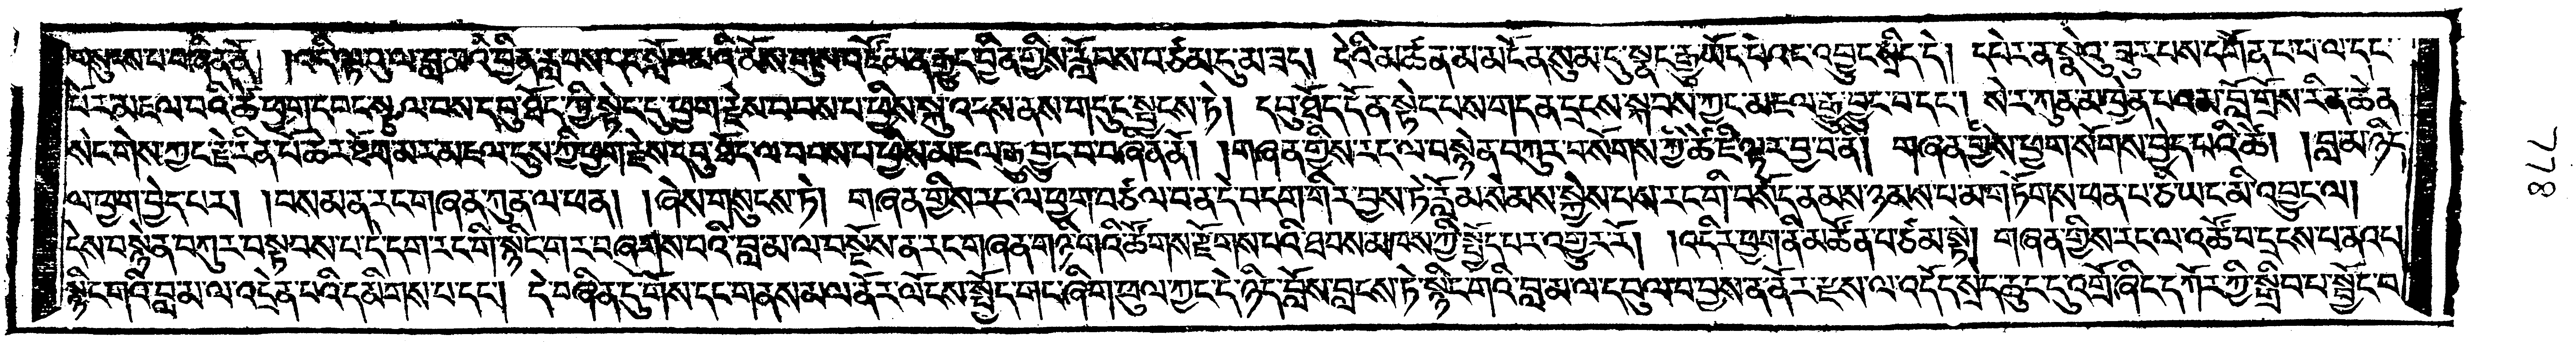གསུངས་པ་བཞིན་ནོ། །འདི་ལྟ་བུ་ལ་བླ་མའི་བྱིན་རླབས་དང་སློབ་མའི་མོས་གུས་འཛོམ་ན་རྒྱུད་བྱིན་གྱིས་རློབས་པ་ཙམ་དུ་མ་ཟད། དེའི་མཚན་མ་མངོན་སུམ་དུ་སྣང་རྒྱུ་ཡོད་པའང་འབྱུང་སྲིད་དེ། དཔེར་ན་སྣེའུ་ཟུར་པས་དགོན་པ་པ་ལ་དང་
པོར་མཇལ་བའི་ཚེ་ཕྱག་དབང་སྩལ་བས་དབུ་ཐོད་ཀྱི་སྟེང་དུ་ཕྱག་རྗེས་བབས་པ་ཕྱིས་སྐུ་འདས་ནས་གདུང་སྦྱངས་ཏེ། དབུ་ཐོད་དོན་སྟེང་པས་གདན་དྲངས་སྐབས་ཀྱང་མཇལ་རྒྱུ་བྱུང་བ་དང་། སེ་ར་ཀུན་མཁྱེན་པའམ་བློ་གྲོས་རིན་ཆེན་
སེང་གེས་ཀྱང་རྗེ་རིན་པོ་ཆེར་ཐོག་མར་མཇལ་དུས་ཀྱི་ཕྱག་རྗེས་དབུ་ཐོད་ལ་བབས་པ་ཕྱིས་མཇལ་རྒྱུ་བྱུང་བ་བཞིན་ནོ། །གཞན་གྱིས་རང་ལ་བསྙེན་བཀུར་བ་སོགས་ཀྱི་ཚེ་ཇི་ལྟར་བྱ་བ་ནི། གཞན་གྱིས་ཕྱག་སོགས་བྱེད་པའི་ཚེ། །བླ་མ་ཉིད་
ལ་ཕྱག་བྱེད་པར། །བསམ་ན་རང་གཞན་ཀུན་ལ་ཕན། །ཞེས་གསུངས་ཏེ། གཞན་གྱིས་རང་ལ་ཕྱག་བཙལ་བ་ན་དེ་བདག་གིར་བྱས་ཏེ་རློམ་སེམས་སྐྱེས་པས་རང་གི་བསོད་ནམས་ཉམས་པ་མ་གཏོགས་ཕན་པ་ཅི་ཡང་མི་འབྱུང་ལ།
ངེས་བསྙེན་བཀུར་བ་སྟབས་པ་དེ་དག་རང་གི་སྙིང་གར་བཞུགས་པའི་བླ་མ་ལ་བསྔོས་ན་རང་གཞན་གཉི་གའི་ཚོགས་རྫོགས་པའི་ཐབས་མཁས་ཀྱི་སྤྱོད་པར་འགྱུར་རོ། །འདིར་ཕྱག་ནི་མཚོན་པ་ཙམ་སྟེ། གཞན་གྱིས་རང་ལ་འཚོ་བ་དྲངས་པ་ནའང་།
སྙིང་གའི་བླ་མ་ལ་འདྲེན་པའི་དམིགས་པ་དང་། དེ་བཞིན་དུ་གོས་དང་གནས་མལ་ནོར་ལོངས་སྤྱོད་གང་ཞིག་ཕུལ་ཀྱང་དེ་ཉིད་བློས་བླངས་ཏེ་སྙིང་གའི་བླ་མ་ལ་དབུལ་བ་བྱས་ན་ནོར་རྫས་ལ་འདོད་སྲེད་ཆུང་དུ་འགྲོ་ཞིང་དཀོར་ཀྱི་སྒྲིབ་པ་སྦྱོང་བ་